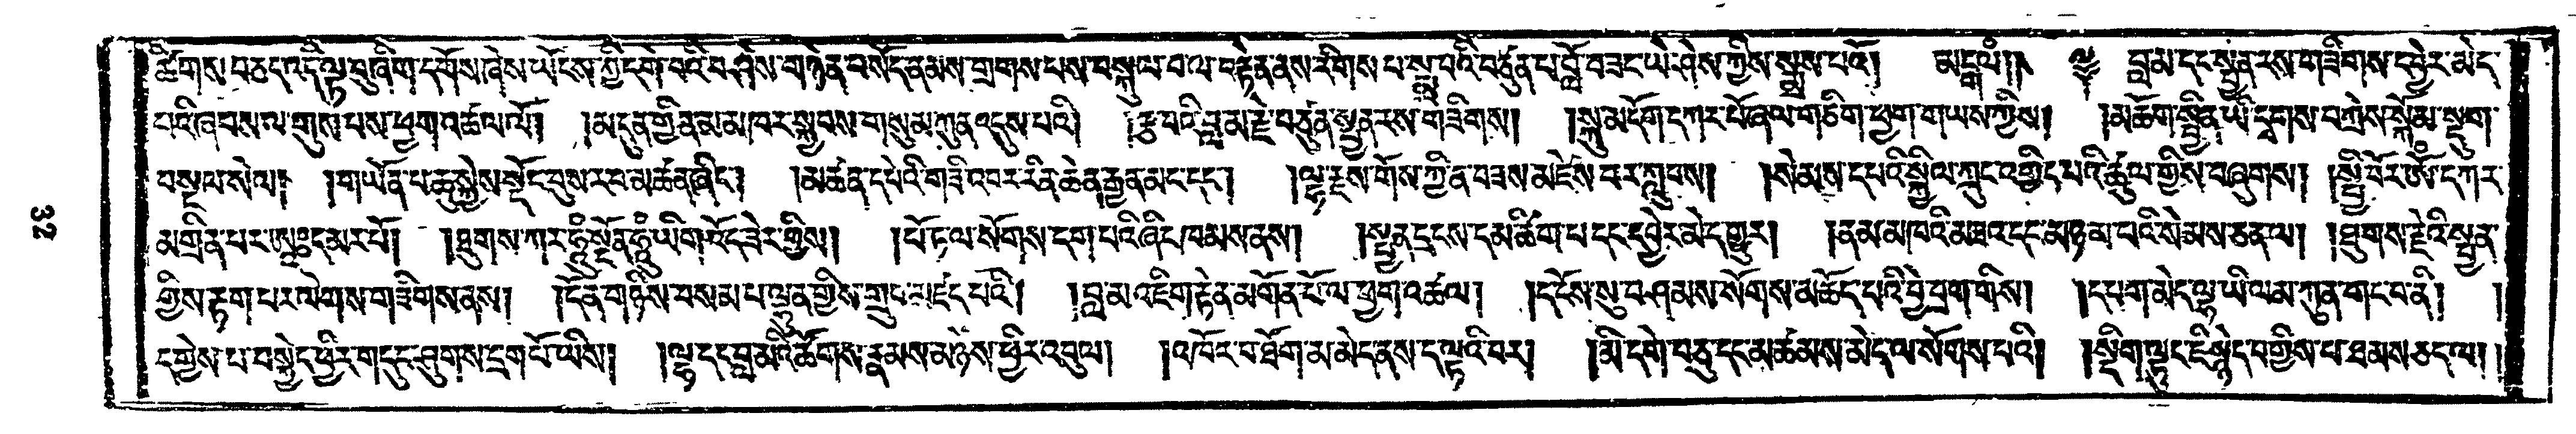ཚིགས་བཅད་འདི་ལྟ་བུ་ཞིག་དགོས་ཞེས་ཡོངས་ཀྱི་དགེ་བའི་བཤེས་གཉེན་བསོད་ནམས་གྲགས་པས་བསྐུལ་བ་ལ་བརྟེན་ནས་རིགས་པ་སྨྲ་བའི་བཙུན་པ་བློ་བཟང་ཡེ་ཤེས་ཀྱིས་སྨྲས་པའོ། མངྒལཾ།། ༈ བླ་མ་དང་སྤྱན་རས་གཟིགས་དབྱེར་མེད་
པའི་ཞབས་ལ་གུས་པས་ཕྱག་འཚལ་ལོ། །མདུན་གྱི་ནམ་མཁར་སྐྱབས་གསུམ་ཀུན་འདུས་པའི། །རྩ་བའི་བླ་མ་རྗེ་བཙུན་སྤྱན་རས་གཟིགས། །སྐུ་མདོག་དཀར་པོ་ཞལ་གཅིག་ཕྱག་གཡས་ཀྱིས། །མཆོག་སྦྱིན་ཡི་དྭགས་བཀྲེས་སྐོམ་སྡུག་
བསྔལ་སེལ། །གཡོན་པ་ཆུ་སྐྱེས་སྡོང་བུས་རབ་མཚན་ཞིང་། །མཚན་དཔེའི་གཟི་འབར་རིན་ཆེན་རྒྱན་མང་དང་། །ལྷ་རྫས་གོས་ཀྱི་ན་བཟས་མཛེས་བར་ཀླུབས། །སེམས་དཔའི་སྐྱིལ་ཀྲུང་འགྱིང་པའི་ཚུལ་གྱིས་བཞུགས། །སྤྱི་བོར་ཨོཾ་དཀར་
མགྲིན་པར་ཨཱཿདམར་པོ། །ཐུགས་ཀར་ཧཱུཾ་སྔོན་ཧཱུཾ་ཡིག་འོད་ཟེར་གྱིས། །པོ་ཏ་ལ་སོགས་དག་པའི་ཞིང་ཁམས་ནས། །སྤྱན་དྲངས་དམ་ཚིག་པ་དང་དབྱེར་མེད་གྱུར། །ནམ་མཁའི་མཐའ་དང་མཉམ་པའི་སེམས་ཅན་ལ། །ཐུགས་རྗེའི་སྤྱན་
གྱིས་རྟག་པར་ལེགས་གཟིགས་ནས། །དོན་གཉིས་བསམ་པ་ལྷུན་གྱིས་གྲུབ་མཛད་པའི། །བླ་མ་འཇིག་རྟེན་མགོན་པོ་ལ་ཕྱག་འཚལ། །དངོས་སུ་བཤམས་སོགས་མཆོད་པའི་བྱེ་བྲག་གིས། །དཔག་མེད་ལྷ་ཡི་ལམ་ཀུན་གང་བ་ནི། །
དགྱེས་པ་བསྐྱེད་ཕྱིར་གདུང་ཤུགས་དྲག་པོ་ཡིས། །ལྷ་དང་བླ་མའི་ཚོགས་རྣམས་མཉེས་ཕྱིར་འབུལ། །འཁོར་བ་ཐོག་མ་མེད་ནས་ད་ལྟའི་བར། །མི་དགེ་བཅུ་དང་མཚམས་མེད་ལ་སོགས་པའི། །སྡིག་ལྟུང་ཇི་སྙེད་བགྱིས་པ་ཐམས་ཅད་ལ།།